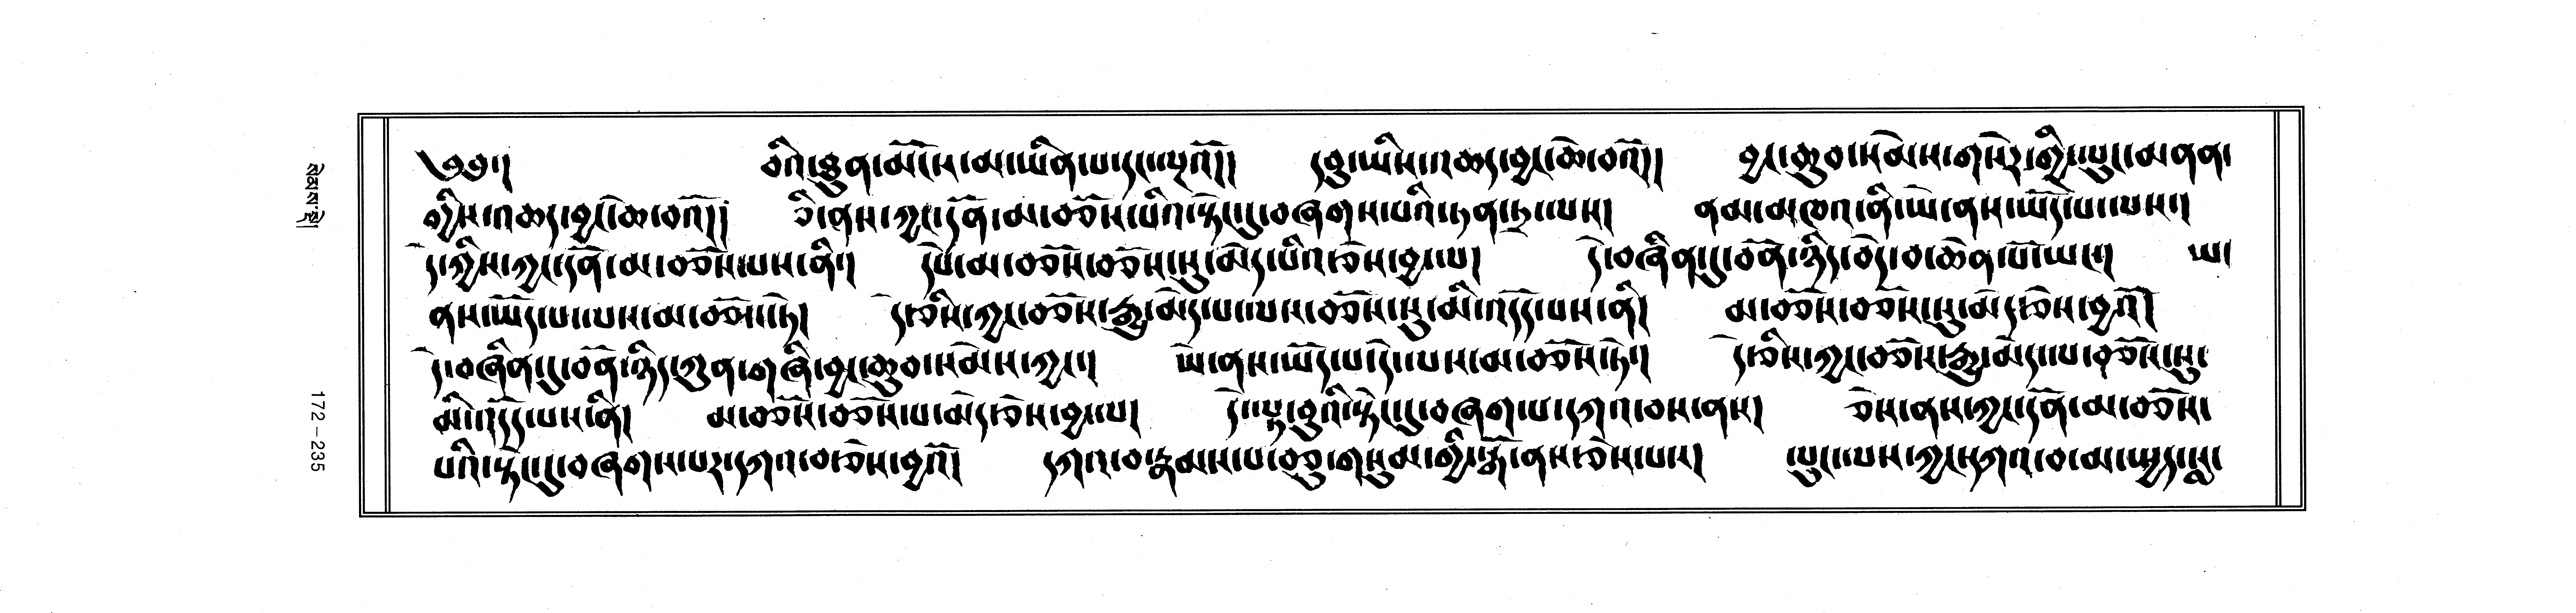བའི་ཐུན་མོངས་མ་ཡིན་པ་དང་ལྔའོ། དབུ་ཡིས་འཆད་བྱང་ཆེ་བའོ། བྱང་ཆུབ་སེམས་གསེར་གྱི་ལུང་མནན་
གྱིས་འཆད་བྱང་ཆེ་བའོ། ཅི་ནས་ཀྱང་དོན་མ་བཅོས་པའི་སྟེང་དུ་བཞགས་པའི་ཏན་ཏྲ་ལས། ནམ་མཁའ་ནི་ཡེ་ནས་ཡོད་པ་ལས། 
དེ་ཀྱིས་ཀྱང་དོན་མ་བཅོས་པས་ནི། དཔེ་མ་བཅོས་བཅོས་སུ་མེད་པའི་ཅེས་བྱ་ལ། དེ་བཞིན་དུ་བོན་ཉིད་བདེ་བ་ཆེན་པོ་ཡང་། ཡེ་
ནས་ཡོད་པ་ལས་མ་བཅོས་ཏེ། དེ་ཅིས་ཀྱང་བཅོས་རྒྱུ་མེད་པ་ལས་བཅོས་སུ་མི་འདོད་པས་ནི། མ་བཅོས་བཅོས་སུ་མེད་ཅེས་བྱའོ། 
དེ་བཞིན་དུ་བོན་ཉིད་ཀུན་གཞི་བྱང་ཆུབ་སེམས་ཀྱང་། ཡེ་ནས་ཡོད་པ་དེ་ལས་མ་བཅོས་ཏེ། དེ་ཅིས་ཀྱང་བཅོས་རྒྱུ་མེད་ལ་བཅོས་སུ་
མི་འདོད་པས་ནི། མ་བཅོས་བཅོས་པ་མེད་ཅེས་བྱ་ལ། དེ་ལྟ་བུའི་སྟེང་དུ་བཞགས་པ་དཀའ་བས་ནས། ཅེས་ནས་ཀྱང་དོན་མ་བཅོས་
པའི་སྟེང་དུ་བཞགས་པར་བཀའ་བ་ཅེས་བྱའོ། དཀའ་བ་རྣམ་པ་བཅུ་གཅུམ་གྱི་སྒོ་ནས་ཅེས་པས། ལུང་ལས་ཀྱང་དཀའ་བ་མ་སྤྱད་སླ་